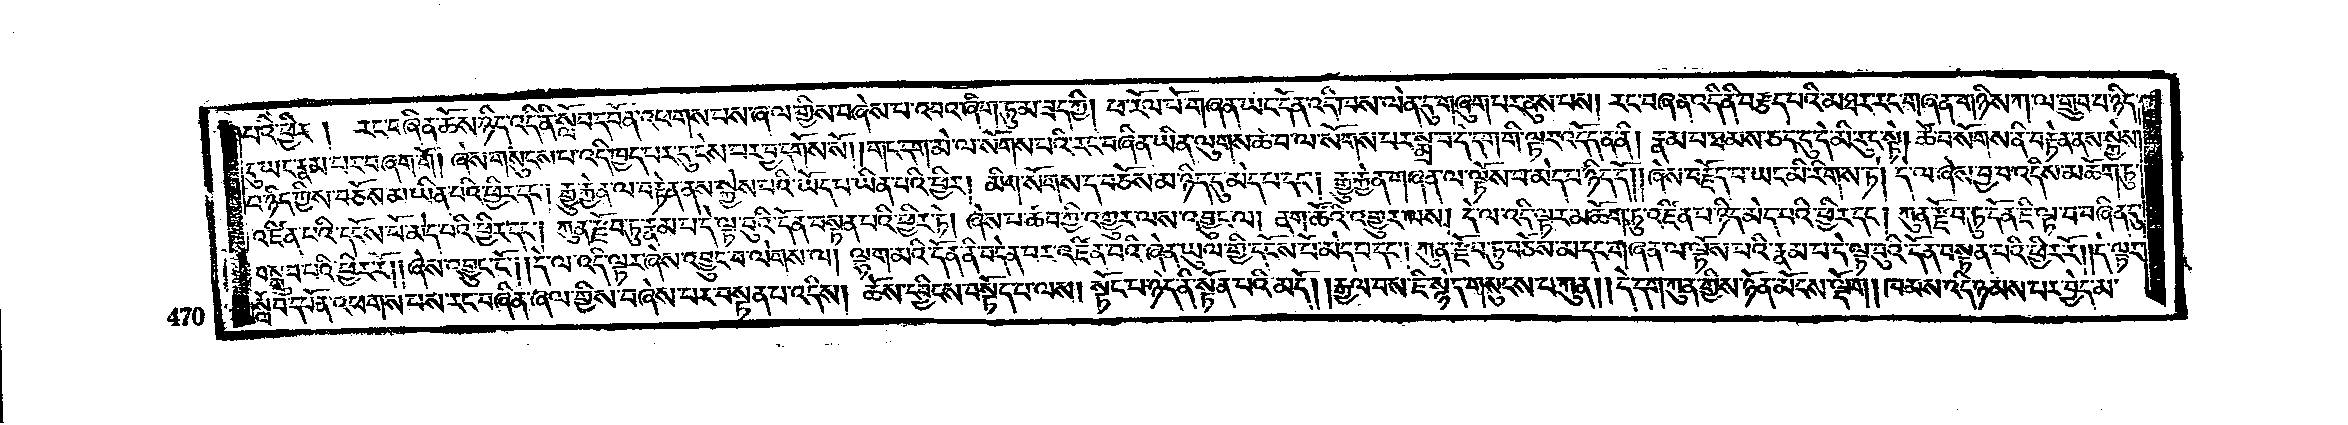པའི་ཕྱིར། རང་བཞིན་ཆོས་ཉིད་འདི་ནི་སློབ་དབོན་འཕགས་པས་ཞལ་གྱིས་བཞེས་པ་འབའ་ཞིག་ཏུ་མ་ཟད་ཀྱི། ཕ་རོལ་པོ་གཞན་ཡང་དོན་འདི་ཁས་ལེན་དུ་གཞུག་པར་ནུས་པས། རང་བཞིན་འདི་ནི་བརྩད་པའི་མཐར་རང་གཞན་གཉིས་ཀ་ལ་གྲུབ་པ་ཉིད་
དུ་ཡང་རྣམ་པར་བཞག་གོ །ཞེས་གསུངས་པ་འདི་ཁྱད་པར་དུ་ངེས་པར་བྱ་དགོས་སོ། །གང་དག་མེ་ལ་སོགས་པའི་རང་བཞིན་ཡིན་ལུགས་ཚ་བ་ལ་སོགས་པར་སྨྲ་བ་དེ་དག་གི་ལྟར་འདོད་ན་ནི། རྣམ་པ་ཐམས་ཅད་དུ་དེ་མི་རུང་སྟེ། ཚ་བ་སོགས་ནི་བརྟེན་ནས་སྐྱེས་
པ་ཉིད་ཀྱིས་བཅོས་མ་ཡིན་པའི་ཕྱིར་དང་། རྒྱུ་རྐྱེན་ལ་བརྟེན་ནས་སྐྱེས་པའི་ཡོད་པ་ཡིན་པའི་ཕྱིར། མིག་སོགས་དེ་བཅོས་མ་ཉིད་དུ་མེད་པ་དང་། རྒྱུ་རྐྱེན་གཞན་ལ་ལྟོས་པ་མེད་པ་ཉིད་དོ། །ཞེས་བརྗོད་པ་ཡང་མི་རིགས་ཏེ། དེ་ལ་ཞེས་བྱ་བ་འདིས་མཆོག་ཏུ་
འཛིན་པའི་དངོས་པོ་མེད་པའི་ཕྱིར་དང་། ཀུན་རྫོབ་ཏུ་རྣམ་པ་དེ་ལྟ་བུའི་དོན་བསྟན་པའི་ཕྱིར་ཏེ། ཞེས་པ་ཚབ་ཀྱི་འགྱུར་ལས་འབྱུང་ལ། ནག་ཚོའི་འགྱུར་ལས། དེ་ལ་འདི་ལྟར་མཆོག་ཏུ་འཛིན་པ་ཉིད་མེད་པའི་ཕྱིར་དང་། ཀུན་རྫོབ་ཏུ་དོན་ཇི་ལྟ་བ་བཞིན་དུ་
བསྒྲུབ་པའི་ཕྱིར་རོ། །ཞེས་འགྱུར་ངོ། །དེ་ལ་འདི་ལྟར་ཞེས་འབྱུང་བ་ལེགས་ལ། ལྷག་མའི་དོན་ནི་བདེན་པར་འཛིན་པའི་ཞེན་ཡུལ་གྱི་དངོས་པོ་མེད་པ་དང་། ཀུན་རྫོབ་ཏུ་བཅོས་མ་དང་གཞན་ལ་ལྟོས་པའི་རྣམ་པ་དེ་ལྟ་བུའི་དོན་བསྟན་པའི་ཕྱིར་རོ། །དེ་ལྟར་
སློབ་དཔོན་འཕགས་པས་རང་བཞིན་ཞལ་གྱིས་བཞེས་པར་བསྟན་པ་འདིས། ཆོས་དབྱིངས་བསྟོད་པ་ལས། སྟོང་པ་ཉིད་ནི་སྟོན་པའི་མདོ། །རྒྱལ་བས་ཇི་སྙེད་གསུངས་པ་ཀུན། །དེ་དག་ཀུན་གྱིས་ཉོན་མོངས་ལྡོག །ཁམས་འདི་ཉམས་པར་བྱེད་མ་